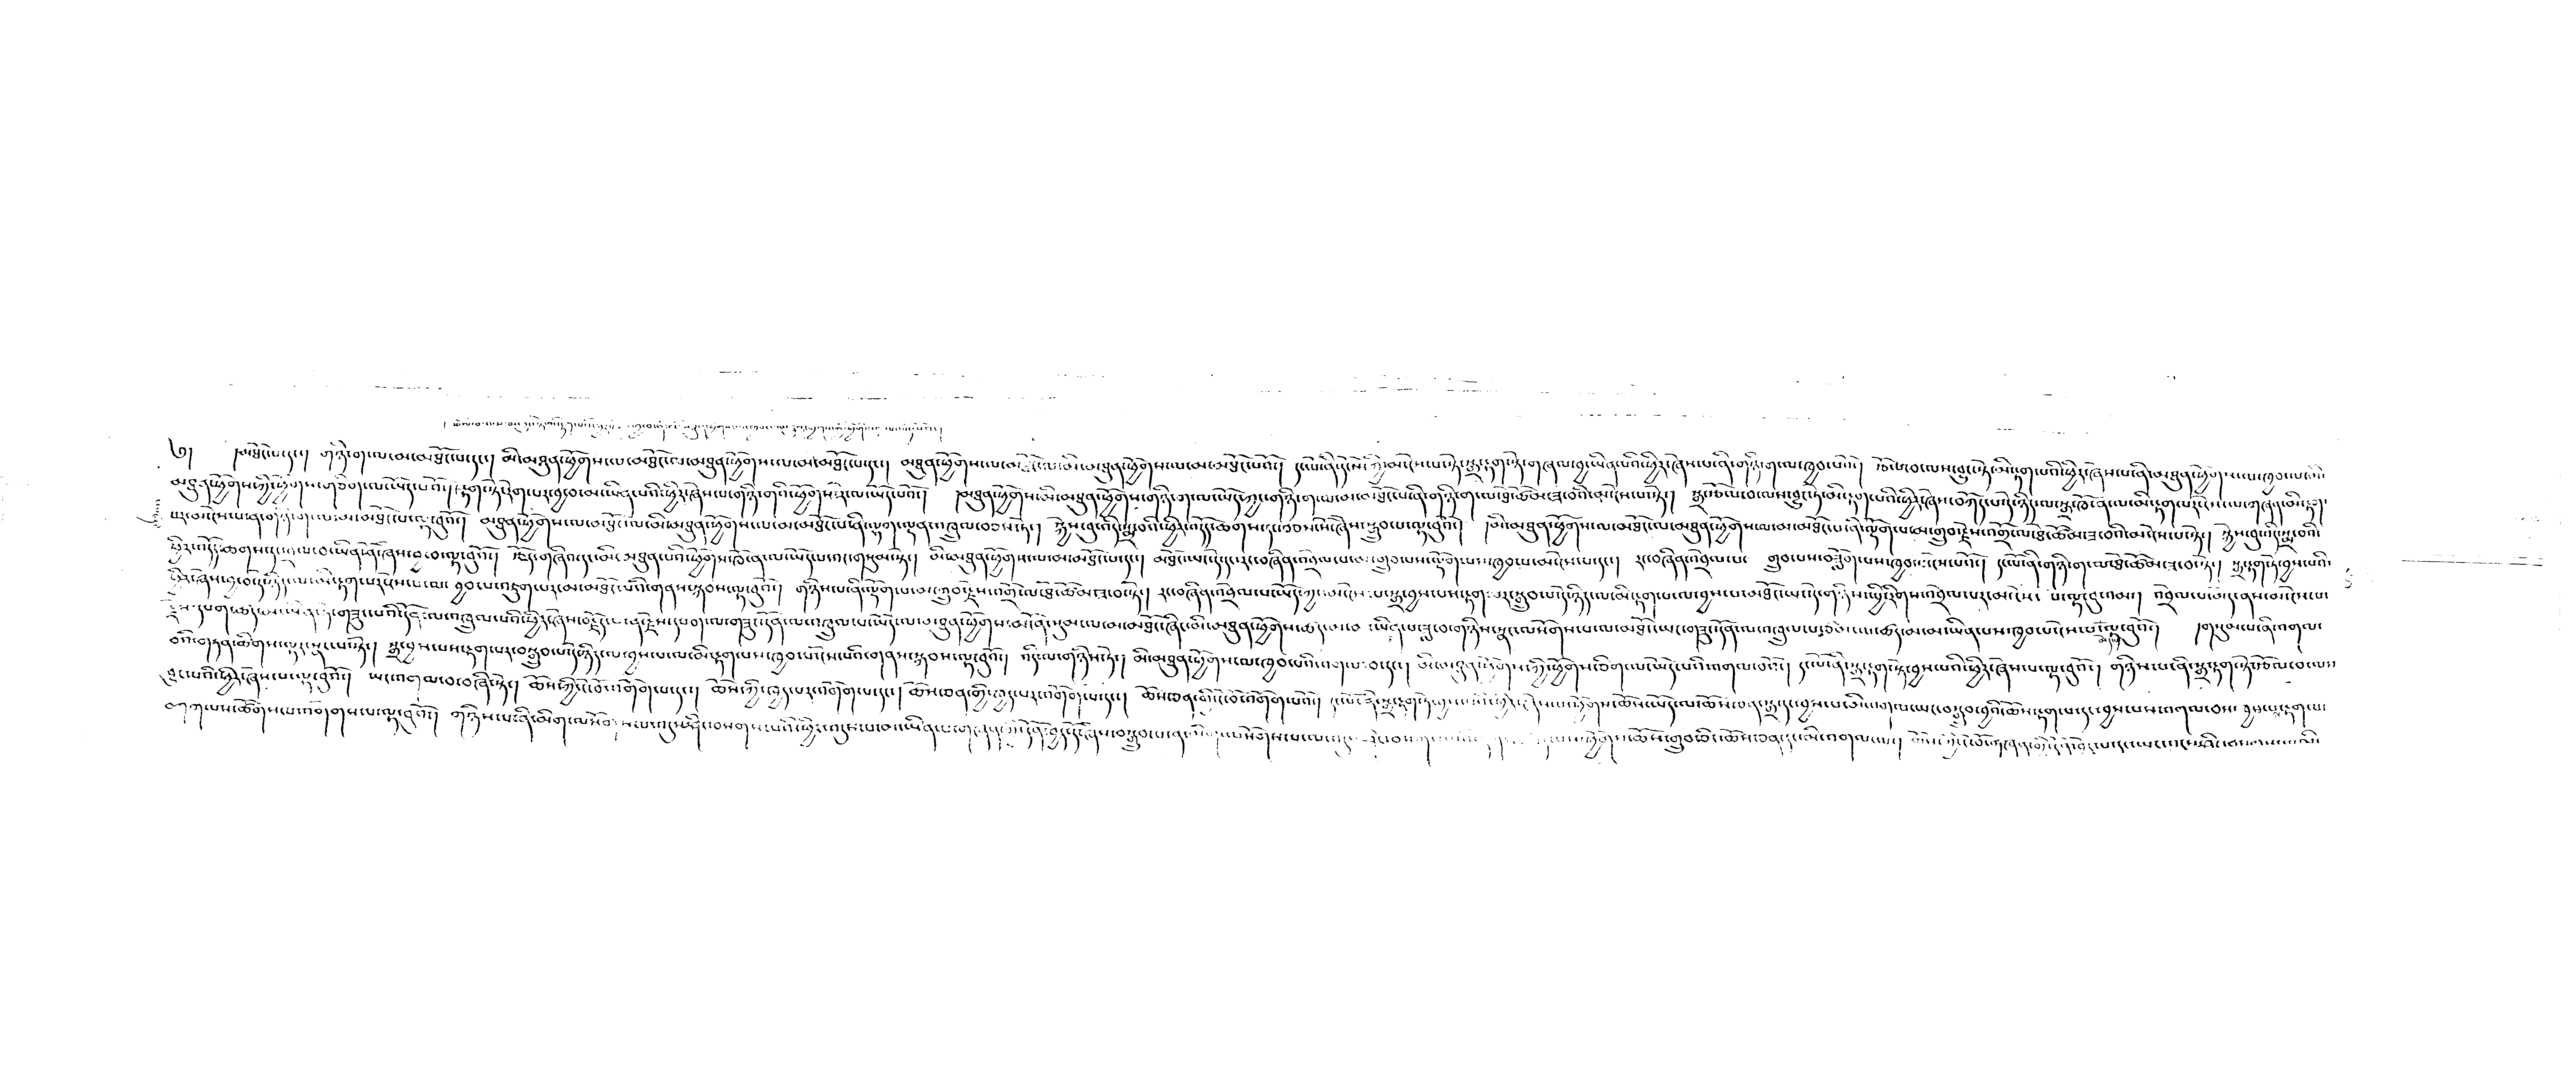༈། །མཐོང་པ་དང་། གཉི་ག་ལ་མ་མཐོང་པ་དང་། མི་མཐུན་ཕྱོགས་ལ་མཐོང་ལ་མཐུན་ཕྱོགས་ལ་མ་མཐོང་པ་དང་། མཐུན་ཕྱོགས་ལ་མཐོང་ལ་མི་མཐུན་ཕྱོགས་ལ་མ་མཐོང་པའོ། དང་པོ་ནི་དངོས་ཀྱི་མ་ངེས་པ་སྟེ་སྒྲ་རྟག་སྟེ་གཞལ་བྱ་ཡིན་པའི་ཕྱིར་ཞེས་པ་ནི་གཉི་ག་ལ་ཁྱབ་པའོ། རྩོལ་བ་ལས་བྱུང་སྟེ་མི་རྟག་པའི་ཕྱིར་ཞེས་པ་ནི་མཐུན་ཕྱོགས་ལ་ཁྱབ་པ་མི་
མཐུན་ཕྱོགས་ཀྱི་ཕྱོགས་གཅིག་ལ་ཡོད་པའོ། རྟག་སྟེ་རེག་པར་བྱ་བ་མ་ཡིན་པའི་ཕྱིར་ཞེས་པ་གཉི་གའི་ཕྱོགས་རེ་ལ་ཡོད་པའོ། །མཐུན་ཕྱོགས་མི་མཐུན་ཕྱོགས་གཉི་ག་ལ་ཡོད་ཀྱང་གཉི་ག་ལ་མ་མཐོང་པ་ནི་གཉི་ག་ལ་ཐེ་ཚོམ་ཟ་བའི་མ་ངེས་པ་སྟེ། སྒྲ་རྩོལ་བ་ལས་བྱུང་ཏེ་མི་རྟག་པའི་ཕྱིར་ཞེས་བཀོད་པ་དེ་ཉིད་ལ་སྒྲ་ཁོ་ན་ལ་མི་རྟག་པར་ངེས་ལ་གཞན་མི་རྟག་
པར་མ་ངེས་པ་ན་གཉི་ག་ལ་མ་མཐོང་པ་ལྟ་བུའོ། མཐུན་ཕྱོགས་ལ་མཐོང་ལ་མི་མཐུན་ཕྱོགས་ལ་མ་མཐོང་པ་ནི་ལྷག་ལྡན་འཁྲུལ་བཅས་ཏེ། སྐྱེས་བུ་འདི་སྨྲ་བའི་ཕྱིར་འདོད་ཆགས་དང་བཅས་སོ་ཞེས་སྒྲུབ་པ་ལྟ་བུའོ། །མི་མཐུན་ཕྱོགས་ལ་མཐོང་ལ་མཐུན་ཕྱོགས་ལ་མ་མཐོང་པ་ནི་ལྡོག་པ་མ་གྲུབ་རྗེས་འགྲོ་ལ་ཐེ་ཚོམ་ཟ་བའི་མ་ངེས་པ་སྟེ། སྐྱེས་བུ་འདི་སྨྲ་བའི་
ཕྱིར་འདོད་ཆགས་དང་བྲལ་བ་ཡིན་ནོ་ཞེས་བྱ་བ་ལྟ་བུའོ། རྩོད་གཞིའ་དང་མི་མཐུན་པའི་ཕྱོགས་ཁོ་ན་ལ་ཡོད་པ་འང་གསུམ་སྟེ། མི་མཐུན་ཕྱོགས་ལ་མ་མཐོང་པ་དང་། མཐོང་ཡང་དེ་དང་རང་བཞིན་འབྲེལ་པ་མ་གྲུབ་པས་ལྡོག་པས་ཁྱབ་པ་མ་ངེས་པ་དང་། རང་བཞིན་འབྲེལ་པ་གྲུབ་པས་བཟློག་པས་ཁྱབ་པ་ངེས་པའོ། དང་པོ་ནི་གཉི་ག་ལ་ཐེ་ཚོམ་ཟ་བ་སྟེ། སྒྲ་རྟག་ཏེ་བྱས་པའི་
ཕྱིར་ཞེས་བྱ་བ་དེ་ཉིད་ལ་མི་རྟག་པར་ངེས་པ་མ་ཁྱབ་པ་འཇུག་པར་མ་མཐོང་པའི་གནས་སྐབས་ལྟ་བུའོ། གཉིས་པ་ནི་ལྡོག་པ་མ་གྲུབ་རྗེས་འགྲོ་ལ་ཐེ་ཚོམ་ཟ་བ་སྟེ། རང་བཞིན་འབྲེལ་པ་ཡོད་ཀྱང་མ་ངེས་པ་སྒྲ་བྱས་པས་རྟག་པར་སྒྲུབ་པ་དེ་ཉིད་ལ་མི་རྟག་པ་ལ་བྱས་པ་མཐོང་ཡང་དེ་གཉིས་སྤྱི་རིགས་འབྲེལ་པར་མ་ངེས་པ་ལྟ་བུ་འམ། འབྲེལ་པ་མེད་ནས་མ་ངེས་པ་
རྗེས་དཔག་ཚད་མ་ཡིན་ཏེ་གཟུང་པའི་དོན་ལ་འཁྲུལ་པའི་ཕྱིར་ཞེས་བརྗོད་པ་ན་རྗེས་དཔག་ལ་གཟུང་དོན་ལ་འཁྲུལ་པ་ཡོད་ལ་མཐུན་ཕྱོགས་མངོན་སུམ་ལ་མ་མཐོང་ཞིང་མི་མཐུན་ཕྱོགས་ཚད་མ་མ་ཡིན་པ་ཟླ་བ་གཉིས་སྣང་ལ་སོགས་པ་ལ་མཐོང་ཡང་གཟུང་དོན་ལ་འཁྲུལ་པ་ཙམ་མ་ཚད་མ་མ་ཡིན་པས་ཁྱབ་པ་ངེས་པ་མེད་དེ་ལྟ་བུའོ། །གསུམ་པ་ནི་འགལ་
བའི་གཏན་ཚིགས་ལྟར་སྣང་པ་སྟེ། སྒྲ་བྱས་པས་རྟག་པར་བསྒྲུབ་པ་དེ་ཉིད་ལ་བྱས་པ་ལ་མི་རྟག་པས་ཁྱབ་པ་ངེས་པའི་གནས་སྐབས་ལྟ་བུའོ། འདི་ལ་གཉིས་ཏེ། མི་མཐུན་ཕྱོགས་མ་ཁྱབ་པའི་འགལ་བ་དང་། མི་མཐུན་ཕྱོགས་ཀྱི་ཕྱོགས་ཅིག་ལ་ཡོད་པའི་འགལ་བའོ། དང་པོ་ནི་སྒྲ་རྟག་སྟེ་བྱས་པའི་ཕྱིར་ཞེས་པ་ལྟ་བུའོ། གཉིས་པ་ནི་སྒྲ་རྟག་སྟེ་རྩོལ་བ་ལས་
བྱུང་པའི་ཕྱིར་ཞེས་པ་ལྟ་བུའོ། ཡང་འགལ་བ་བཞི་སྟེ། ཆོས་ཀྱི་ངོ་བོ་འགོག་པ་དང་། ཆོས་ཀྱི་ཁྱད་པར་འགོག་པ་དང་། ཆོས་ཅན་གྱི་ཁྱད་པར་འགོག་པ་དང་། ཆོས་ཅན་གྱི་ངོ་བོ་འགོག་པའོ། དང་པོ་ནི་སྒྲ་རྟག་ཏེ་བྱས་པའི་ཕྱིར་ཞེས་པ་ཕྱོགས་ཆོས་ཡོད་ལ་ཆོས་ཅན་སྒྲ་དང་བྱས་པ་མི་འགལ་ཡང་བསྒྲུབ་བྱའི་ཆོས་རྟག་པ་དང་བྱས་པས་འགལ་བས་བྱས་པས་རྟག་པ་
བཀག་པས་ཚོགས་པ་འགོག་པ་ལྟ་བུའོ། གཉིས་པ་ནི་མིག་ལ་སོགས་པ་འདུས་ཤིང་བསགས་པའི་ཕྱིར་འདུས་པ་མ་ཡིན་པ་གཞན་ཀྱི་དོན་བྱེད་དོ་ཞེས་བསྒྲུབ་པ་ན་ལེགས་པ་སོགས་པ་ལ་འདུས་ཤིང་བསགས་པ་ཡིན?་?་པས་ཕྱོགས་ཆོས་གྲུབ་ཅིང་ཆོས་ཅན་དང་མི་འགལ་ལ། ཆོས་ཀྱི་ངོ་བོ་གཞན་གྱི་དོན་བྱེད་པ་དང་ཡང་འདུས་ཤིང་བསགས་པ?་མི་